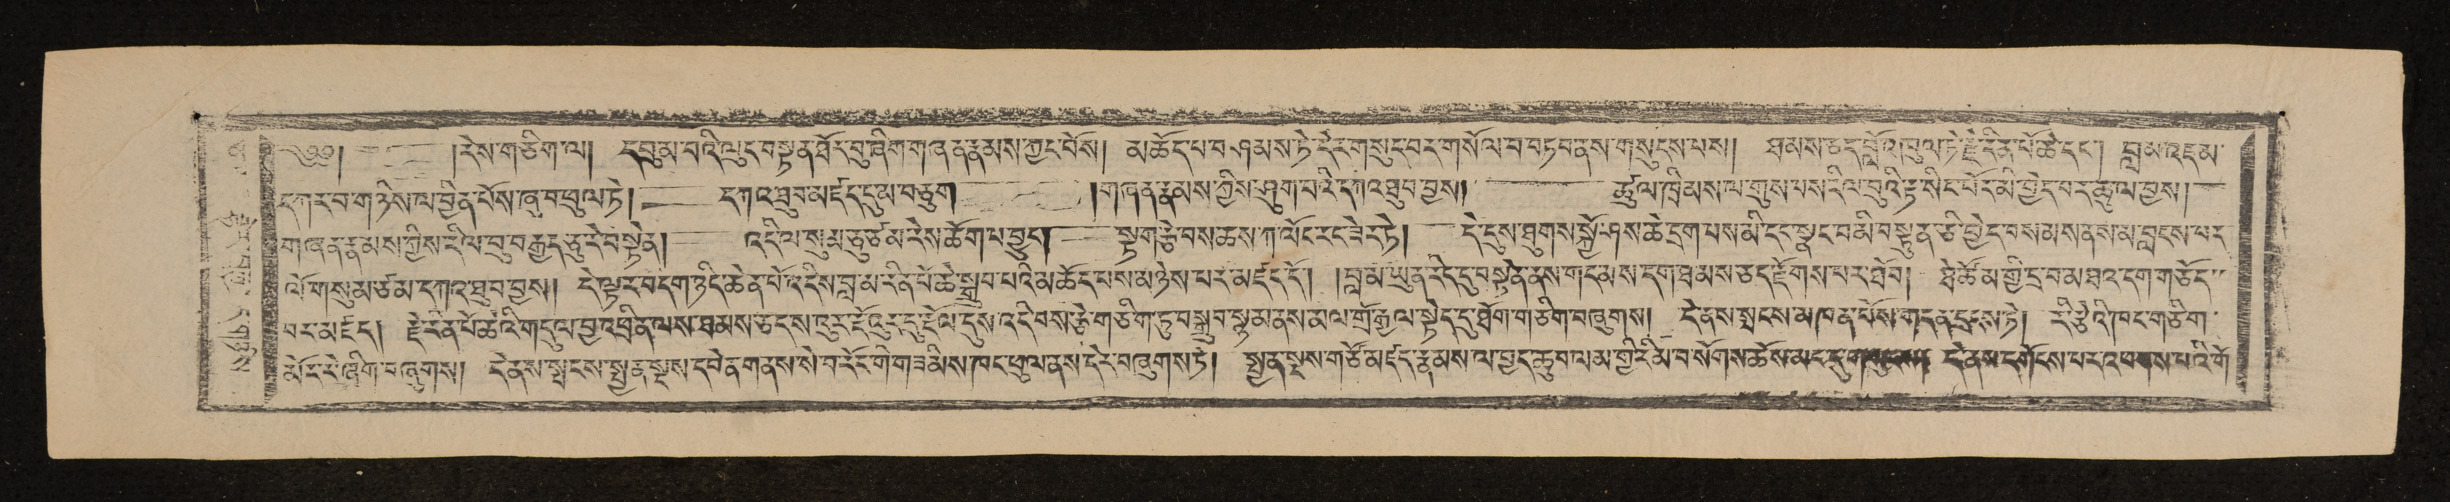༄༅། །རེས་གཅིག་ལ། དབུ་མ་པའི་ལུང་བསྟན་ཐོར་བུ་ཞིག་གཞན་རྣམས་ཀྱང་བོས། མཆོད་པ་བཤམས་ཏེ་དེར་གསུང་བར་གསོལ་བ་བཏབ་ནས་གསུངས་པས། ཐམས་ཅད་བློ་འཁུལ་ཏེ་རྗེ་རིན་པོ་ཆེ་དང་། བླ་མ་འཇམ་
དཀར་བ་གཉིས་ལ་བྱིན་པོས་ཞུ་བ་ཕུལ་ཏེ། དཀའ་ཐུབ་མཛད་དུ་མ་བཅུག །གཞན་རྣམས་ཀྱིས་ཤུག་པའི་དཀའ་ཐུབ་བྱས། ཚུལ་ཁྲིམས་ལ་གུས་པས་རིལ་བུའི་རྟ་སིང་པོར་མི་བྱེད་པར་ཆུལ་བྱས།
གཞན་རྣམས་ཀྱིས་རིལ་བུ་བརྒྱད་ཅུ་རེ་བསྟེན། འདི་ལ་སུམ་ཅུ་ཙམ་རེས་ཆོག་པ་བྱུང་། སྟག་རྩེ་བས་ཆས་ཀ་ལོང་རང་ཟེར་ཏེ། དེ་དུས་ཐུགས་སྐྱོ་ཤས་ཆེ་དྲག་པས་མི་དང་སྣང་བ་མི་བསྟུན་ཅི་བྱེད་བསམས་ནས་མ་བླངས་པར་
ལོ་གསུམ་ཙམ་དཀའ་ཐུབ་བྱས། དེ་ལྟར་བདག་ཉིད་ཆེན་པོ་འདིས་བླ་མ་རིན་པོ་ཆེ་སྒྲུབ་པའི་མཆོད་པས་མཉེས་པར་མཛད་དོ། །བླ་མ་ཡུན་རིང་དུ་བསྟེན་ནས་གདམས་ངག་ཐམས་ཅད་རྫོགས་པར་ཐོབ། ཐེ་ཚོམ་གྱི་དྲ་བ་མཐའ་དག་གཅོད་
བར་མཛད། རྗེ་རིན་པོ་ཆེའི་གདུལ་བྱ་འཕྲིན་ལས་ཐམས་ཅད་ས་འུར་རྡོའུར་དུ་རྡོལ་དུས་འདི་བས་རྩེ་གཅིག་ཏུ་བསྒྲུབ་སྙམ་ནས་མལ་གྲོ་རྒྱལ་སྟེང་དུ་ཐོག་གཅིག་བཞུགས། དེ་ནས་སྤངས་མཁན་པོས་གདན་དྲངས་ཏེ། རི་རྩེའི་ཁང་གཅིག་
མོར་རེ་ཞིག་བཞུགས། དེ་ནས་སྤངས་སྤྱན་སྔས་དབེན་གནས་སེ་བ་རོང་གི་གཟིམས་ཁང་ཕུལ་ནས་དེར་བཞུགས་ཏེ། སྤྱན་སྔས་གཙོ་མཛད་རྣམས་ལ་བྱང་ཆུབ་ལམ་གྱི་རིམ་པ་སོགས་ཆོས་མང་དུ་གསུངས། དེ་ནས་དགོངས་པར་འཕགས་པའི་གོ་